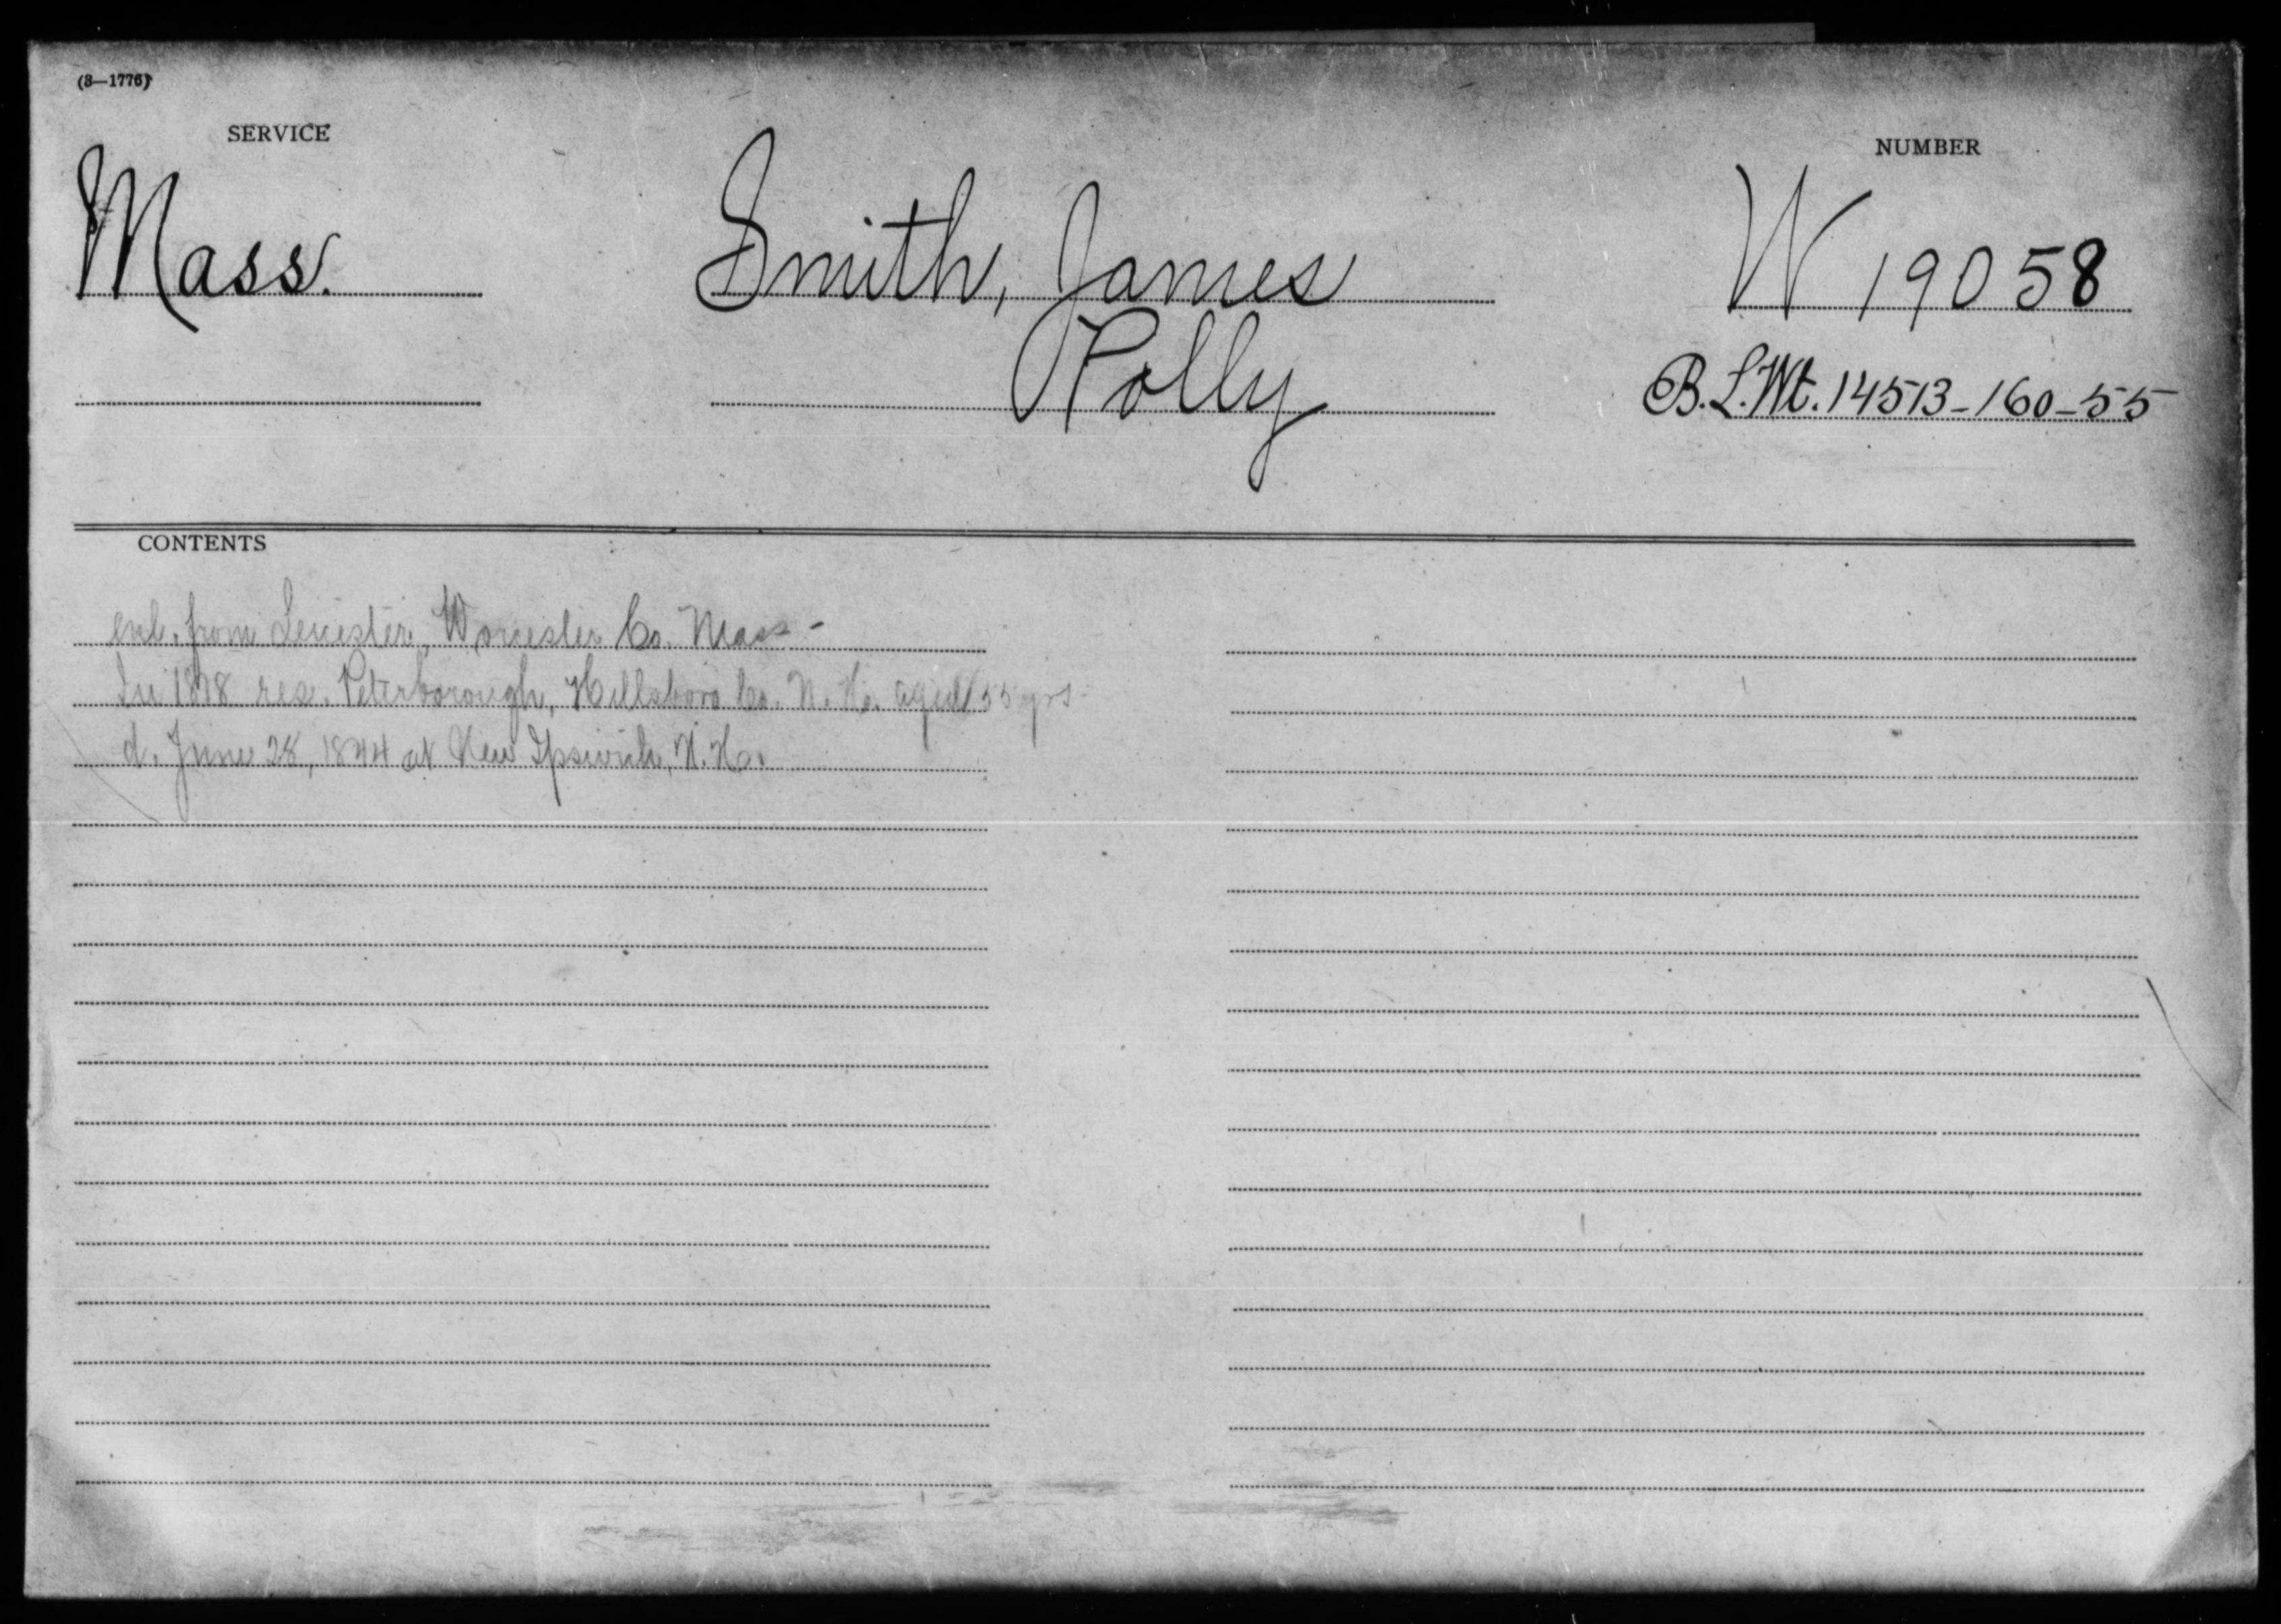Mass 
Smith, James
Smith, Patty
Number: W19058
BLM 14513-160-55
---- ---- be Mass 
In 1878 res. Peterborough Willsboro -- -- --- -- June 28, 1844 at New Spanish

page: 1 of 55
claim: widow's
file: W 19058, for James Smith, Massachusetts